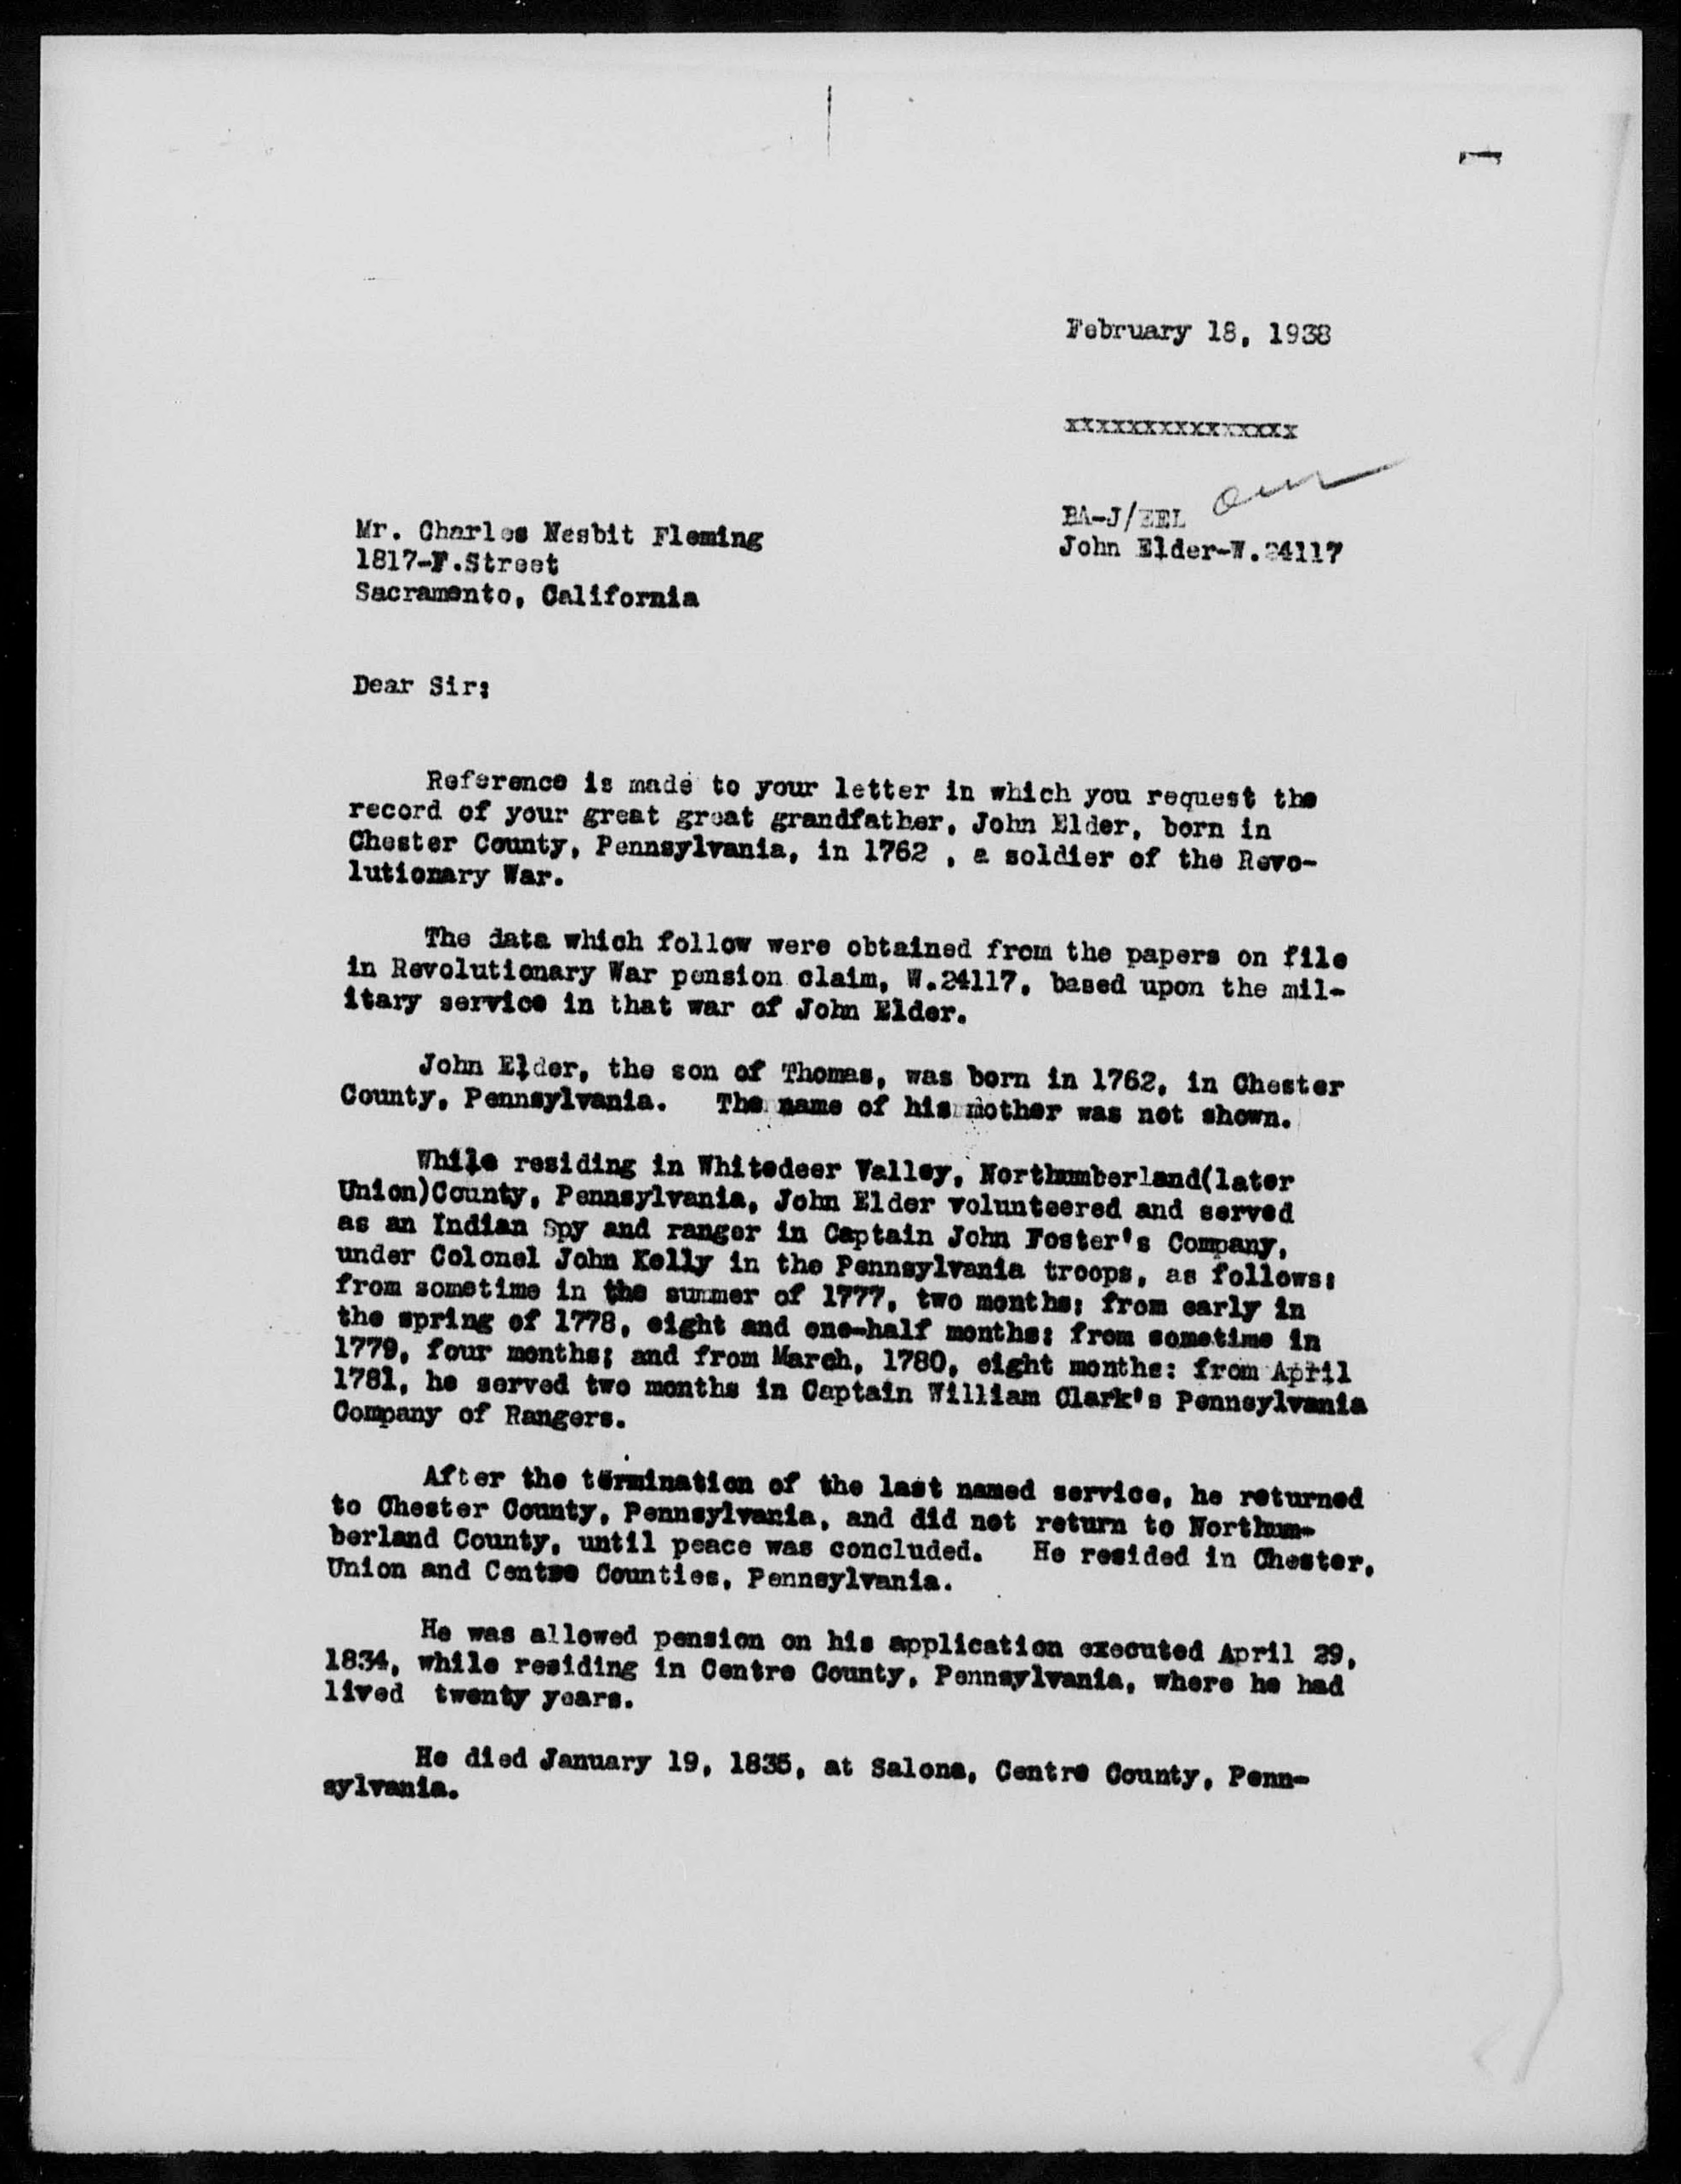February 18, 1938
xxxxxxxxxxxxxxxxxxx
BA-J/EEL
John Elder-W24117

Dear Sir:

Reference is made to your letter in which you request the record of your great great grandfather, John Elder, born in Chester County, Pennsylvania, in 1762, a soldier of the Revolutionary War.

The data which follow were obtained from the papers on file in Revolutionary War pension claim, W.24117, based upon the military service in that war of John Elder.

John’s elder, the son of Thomas was born in 1762, in Chester County Pennsylvania. The name of his mother was not shown.

While residing in Whitedeer Valley, Northumberland (later Union)County, Pennsylvania, John Elder volunteered and served as an Indian Spy and ranger in Captain John Foster’s company, under Colonel Jon Kelly in the Pennsylvania troops, as follows:
From sometime in the summer of 1777, two months: from early in the spring of 1778, eight and one-half months: from sometime in 1779, four months: and from March, 1780, eight months: from April 1781, he served two months in Captain William Clark’s Pennsylvania Company of Rangers.

After the termination of the last named service, he returned to Chester County, Pennsylvania, and did not return to Northumberland County, until peace was concluded. He resided in Chester, Union and Centre Counties, Pennsylvania. 

He was allowed pension on his application executed April 29, 1834, while residing in Centre County, Pennsylvania, where he had lived twenty years.

He died January 19, 1835, at Salina, Centre County, Pennsylvania.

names: John Elder, Charles Nesbit Fleming, John Elder, John Elder, John Elder, Thomas, John Kelly, John Elder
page: 14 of 80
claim: widow's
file: W. 24117, John Elder, Penn.